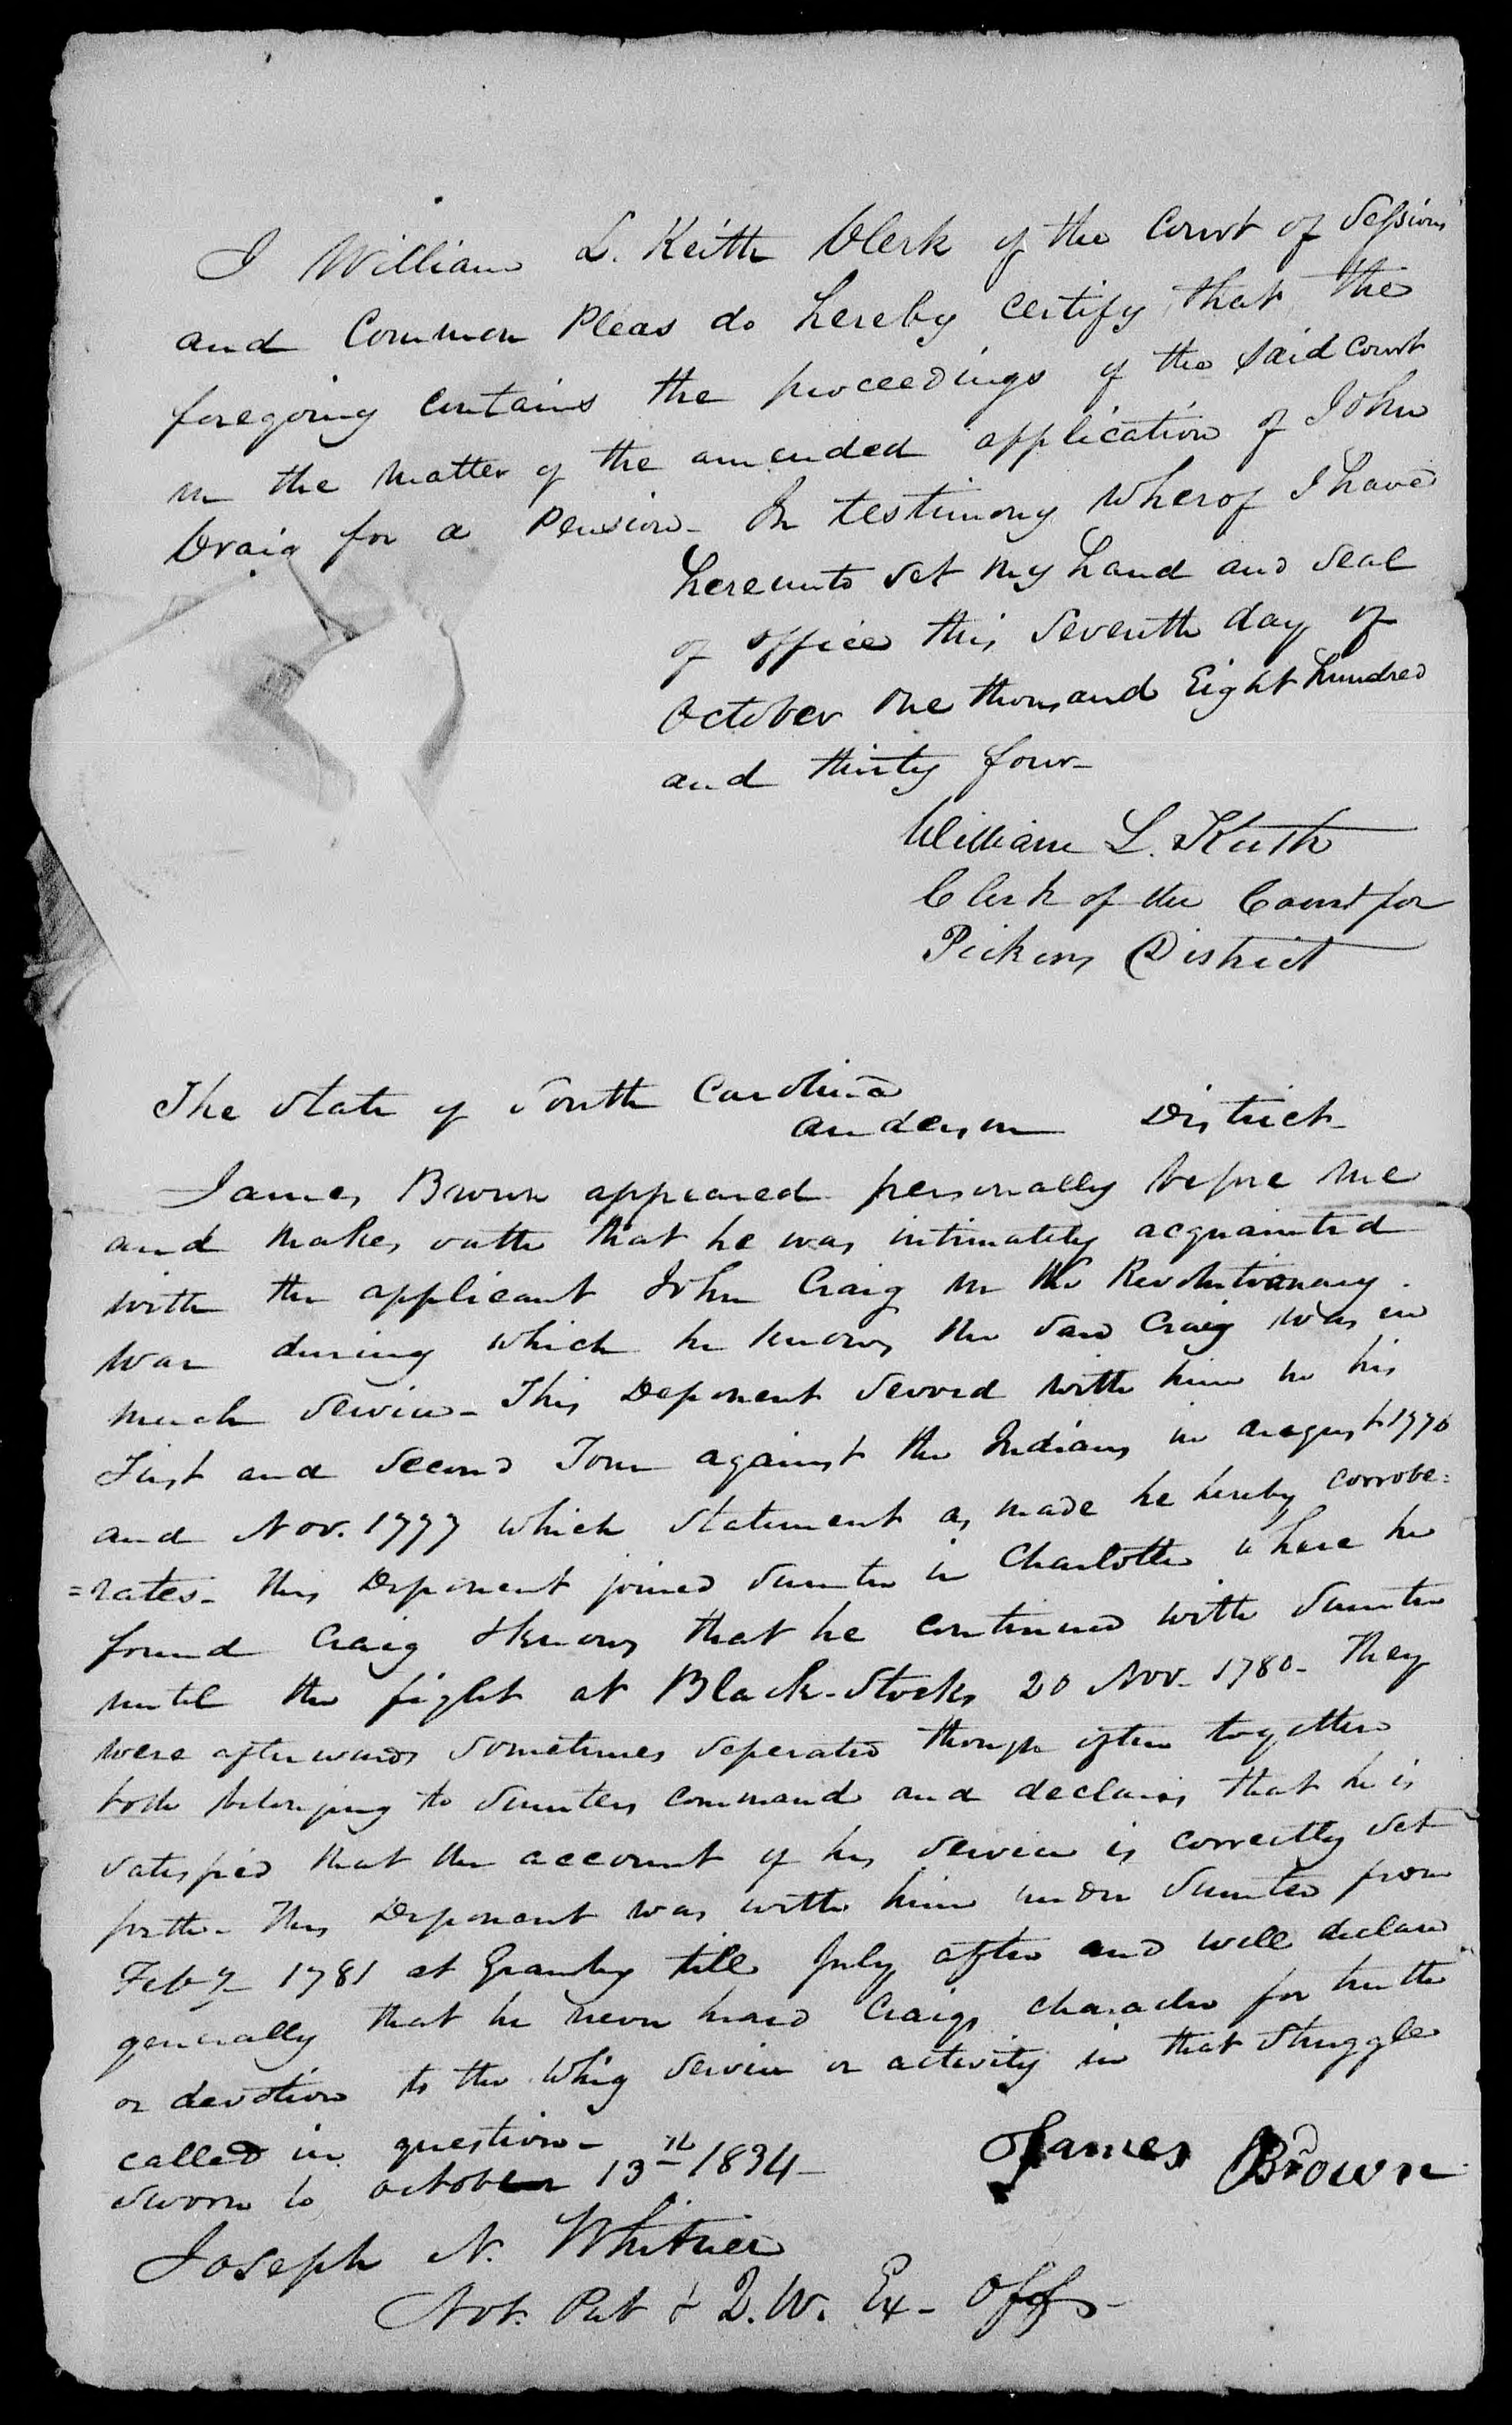I William L. Keith Clerk of the Court of Sessions
and Common Pleas do hereby certify that the
foregoing contains the proceedings of the said court in the matter of
the amended application of John Craig
for a Pension. In testimony
whereof I have
hereunto set my hand and seal of
office this Seventh day of October one thousand Eight hundred and thirty four.
William L. Keith
Clerk of the Court for
Pickens District

The State of South Carolina
Anderson District
James Brown appeared personally before me
and makes oath that he was intimately acquainted with the applicant John Craig in the Revolutionary War during
which he knows the said Craig was in much
service. This Deponent served with him on his
First and second tour against the Indians
in August 1776
and Nov. 1777 which statement as made he hereby corroberates. [sic]
This Deponent joined Sumter in Charlotte where he found Craig & knows that he continued with Sumter
until the fight at Blackstock 20 Nov. 1780. They
were afterwards sometimes seperated [sic] though often together
both belonging to Sumters command and declares that he is satisfied that the account of his service is correctly set forth. This Deponent was with him under Sumter from
Feb 7 1781 at Granby till July after and will declare generally that he never heard Craigs character for [illegible]
or devotion to the Whig service or activity in
that struggle called in question.

[signature] James Brown

Sworn to October 13th 1834-
Joseph N. Whitner
Not. Pub. & Q.W. Ex off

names: William L Keith, Craig, Craig, Joseph N Whitner, Sumter, James Brown, James Brown, Craig, William L Keith, Sumter, John Craig, John Craig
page: 41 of 55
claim: widow's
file: W. 22864, John Craig, S.C. Born In Iceland